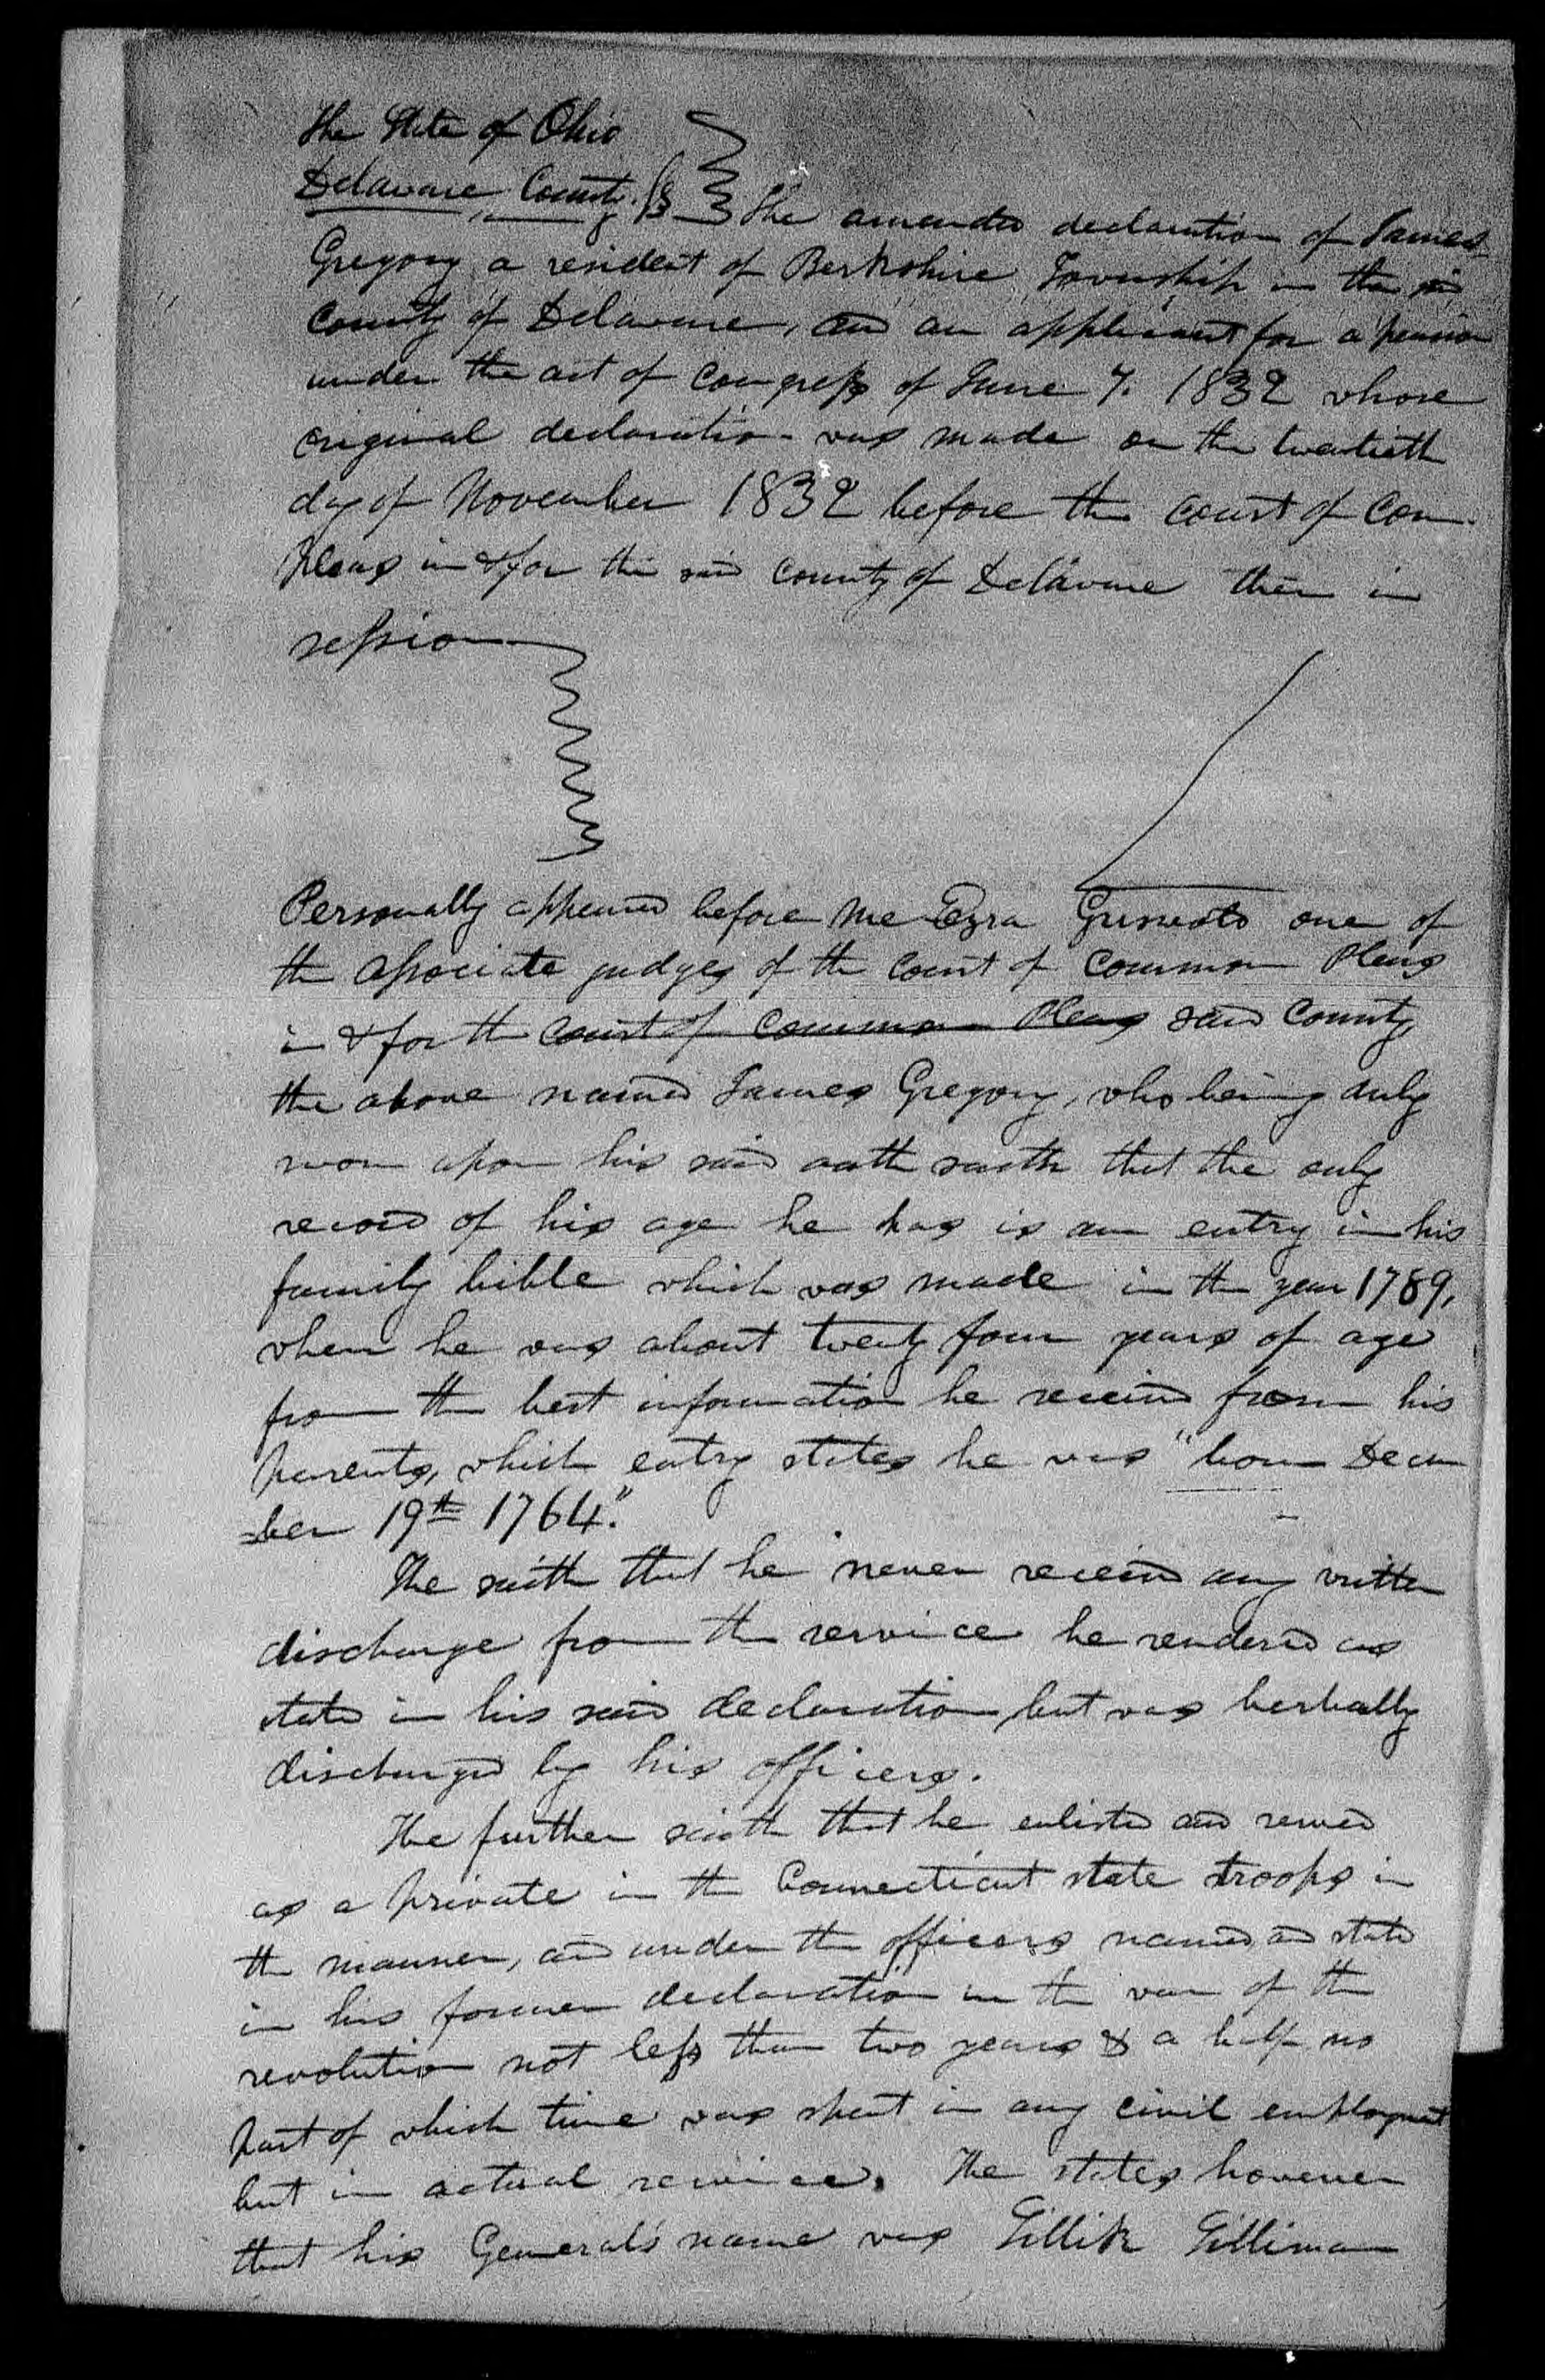The State of Ohio
Delaware County ss.}

The annexed declaration of James Gregory a resident of Berkshire Township for a pension under the act of Congress of June 7, 1832 whose original declaration was made on the twentieth day of November 1832 before the court of Com. Pleas in & for the said county of Delaware there in [unk].

Personally appeared before me Ezra Greswold one of the associate judges of the Court of Common Pleas in & for the said County, the above named James Gregory, who being duly sworn upon his said oath saith that the only record of his age he has is an entry in his family bible which was made in the year 1789, when he was about twenty four years of age from the best information he received from his parents, which entry states he was " born December 19th 1764."

He saith that he never received any written discharge from the service he rendered as stated in his said declaration but was verbally discharged by his officers.

He further saith that he enlisted and served as a private in the Connecticut state troops in the manner, and under the officers names and state in his former declaration in the war of the Revolution not less than two years & a half, no part of which time was spent in any civil employment but in actual service. He states however that his General's name was Gillik Gilliman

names: James Gregory, Gillik Gilliman, Ezra Greswold, James Gregory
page: 7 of 27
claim: survivor's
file: S. 17445, James Gregory, Conn.